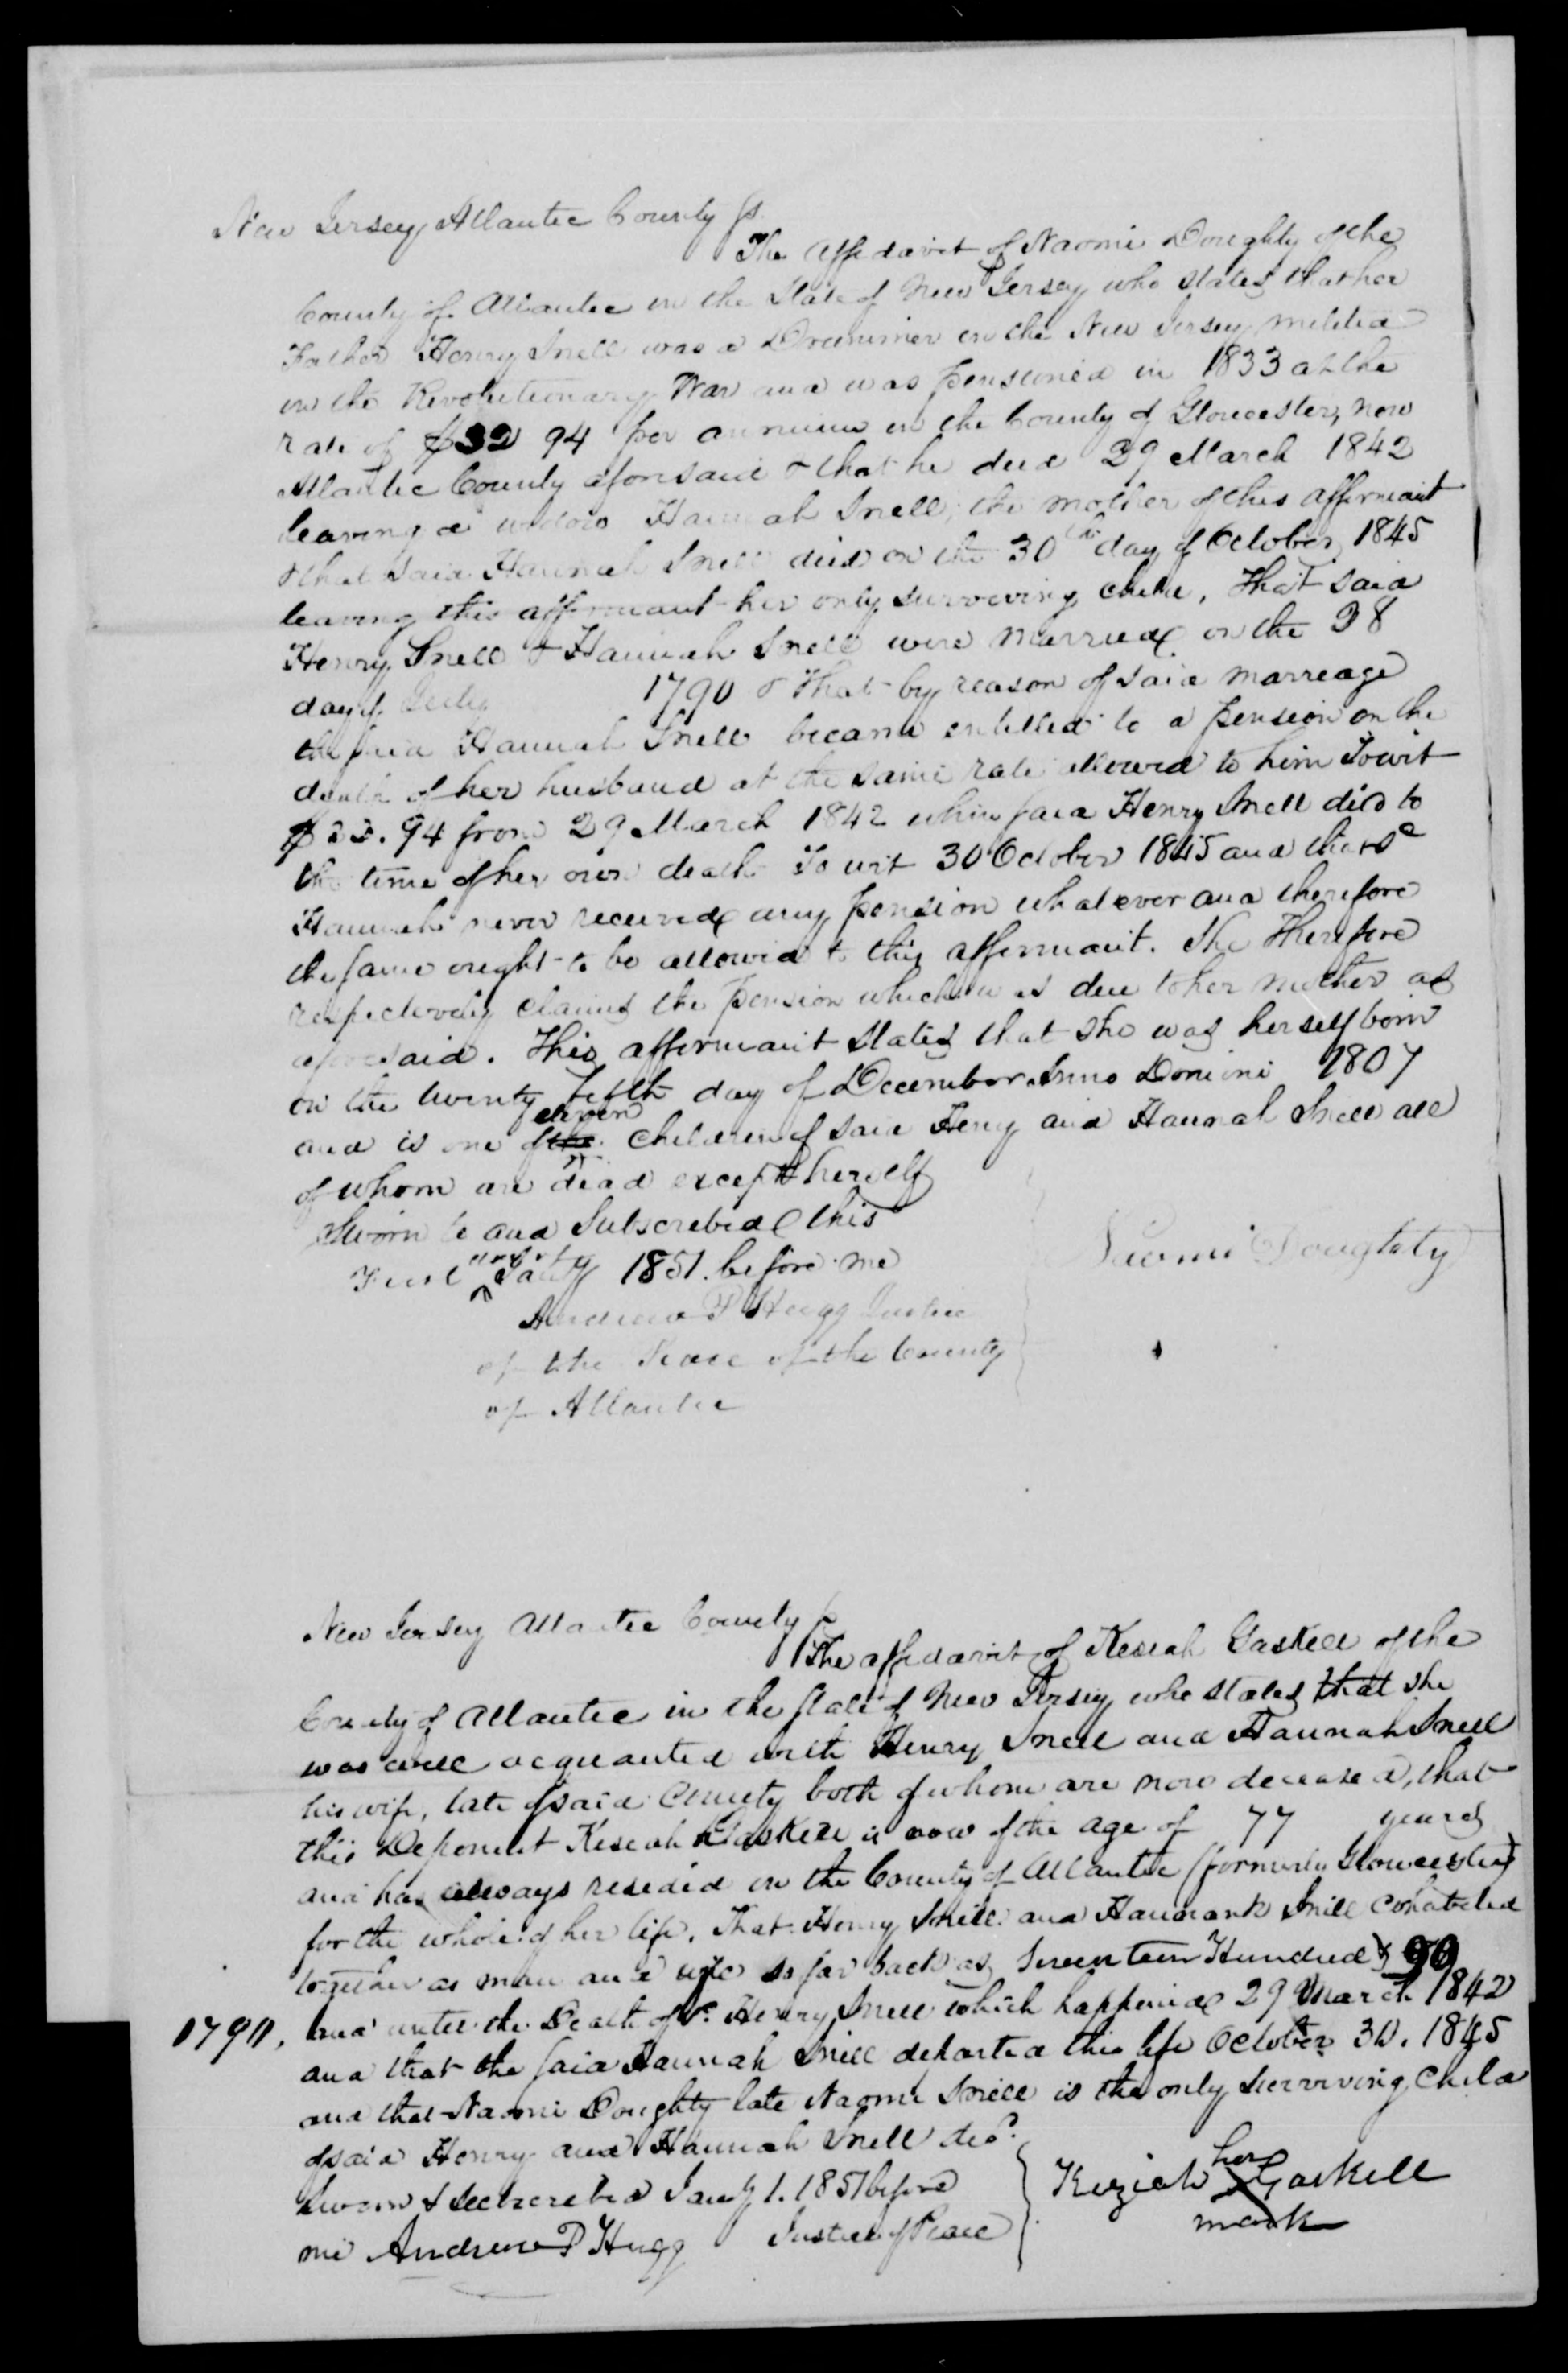New Jersey Atlantic County 

The Affidavit of Naomi Doughty of the County of Atlantic in the State of New Jersey who stated that her Father Henry Snell was a Drummer in the New Jersey Militia in the Revolutionary War and was Pensioned in 1833 at the rate of  $32.94 per annum in the County of Gloucester, now Atlantic County aforesaid & that he died 29 March 1842 leaving a widow Hannah Snell, the mother of this affirmant & that said Hannah Snell died on the 30th day of October 1845 leaving this affirmant his only surviving child.   That said Henry Snell & Hannah Snell were married on the 28 day of July 1790 & that by reason of said marriage of said Hannah Snell became entitled to a pension on the death of her husband at the same rate allowed to him to wit $32.94 from 29 March 1842 when said Henry Snell died to the time of her own death.  To wit 30 October 1845 and said Hannah never received any pension whatever and therefore defane? ought to be allowed to this affirmant.  She therefore respectfully claims the pension which is due to her month as aforesaid.  This affirmant stated that she was herself born on the twenty fifth day of December Anno Domini 1804
and is one of ?? children of said Henry and Hannah Snell all of whom are dead except herself.

Sworn and Subscribed this First day of Jany 1851 before me.

Naomi Doughty

Andrew P Hugg Justice of the Peace of the County of Atlantic

New Jersey to the County 
The affidavit of Kesiah Gaskell of the County of Atlantic in the State of New Jersey who states that she was well acquainted with Henry Snell and Hannah Snell his wife, late of said County both of whom are now deceased, that this Deponent Kesiah Haskell is now of the age of 77 years and has always resided in the County of Atlantic (formerly Gloucester)  for the whole of her life. That Henry Shell and Hannah Snell cohabited together as man and wife so far back as Seventeen Hundred & 90 until the death of C. Henry Snell which happened 29 March 1842 and that the said Hannah Snell departed this life October 30, 1845 and that Naomi Doughty late Naomi Snell is the only surviving child said Henry and Hannah Snell decd
 Sworn & Subscribed Jany 1. 1851 before me Andrew P Hugg Justice of Peace
 Keziah Garkell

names: Hannah Snell; Henry Snell; Keziah Gaskill; Henry Snell; Naomi Doughty; Hannah Snell; Henry Snell; Henry Snell; Hannah Snell; Henry Snell; Henry Snell; Naomi Doughty; Henry Snell; Hannah Snell; Kesiah Gaskill; Naomi Snell; Hannah Snell; Hannah Snell; Andrew P Hugg; Hannah Snell; Kesiah Gaskell; Hannah Snell; Henry Snell; Andrew P Hugg; Hannah Snell; Naomi Doughty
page: 3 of 27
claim: rejected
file: R. 9,892, for Henry Snell, New Jersey